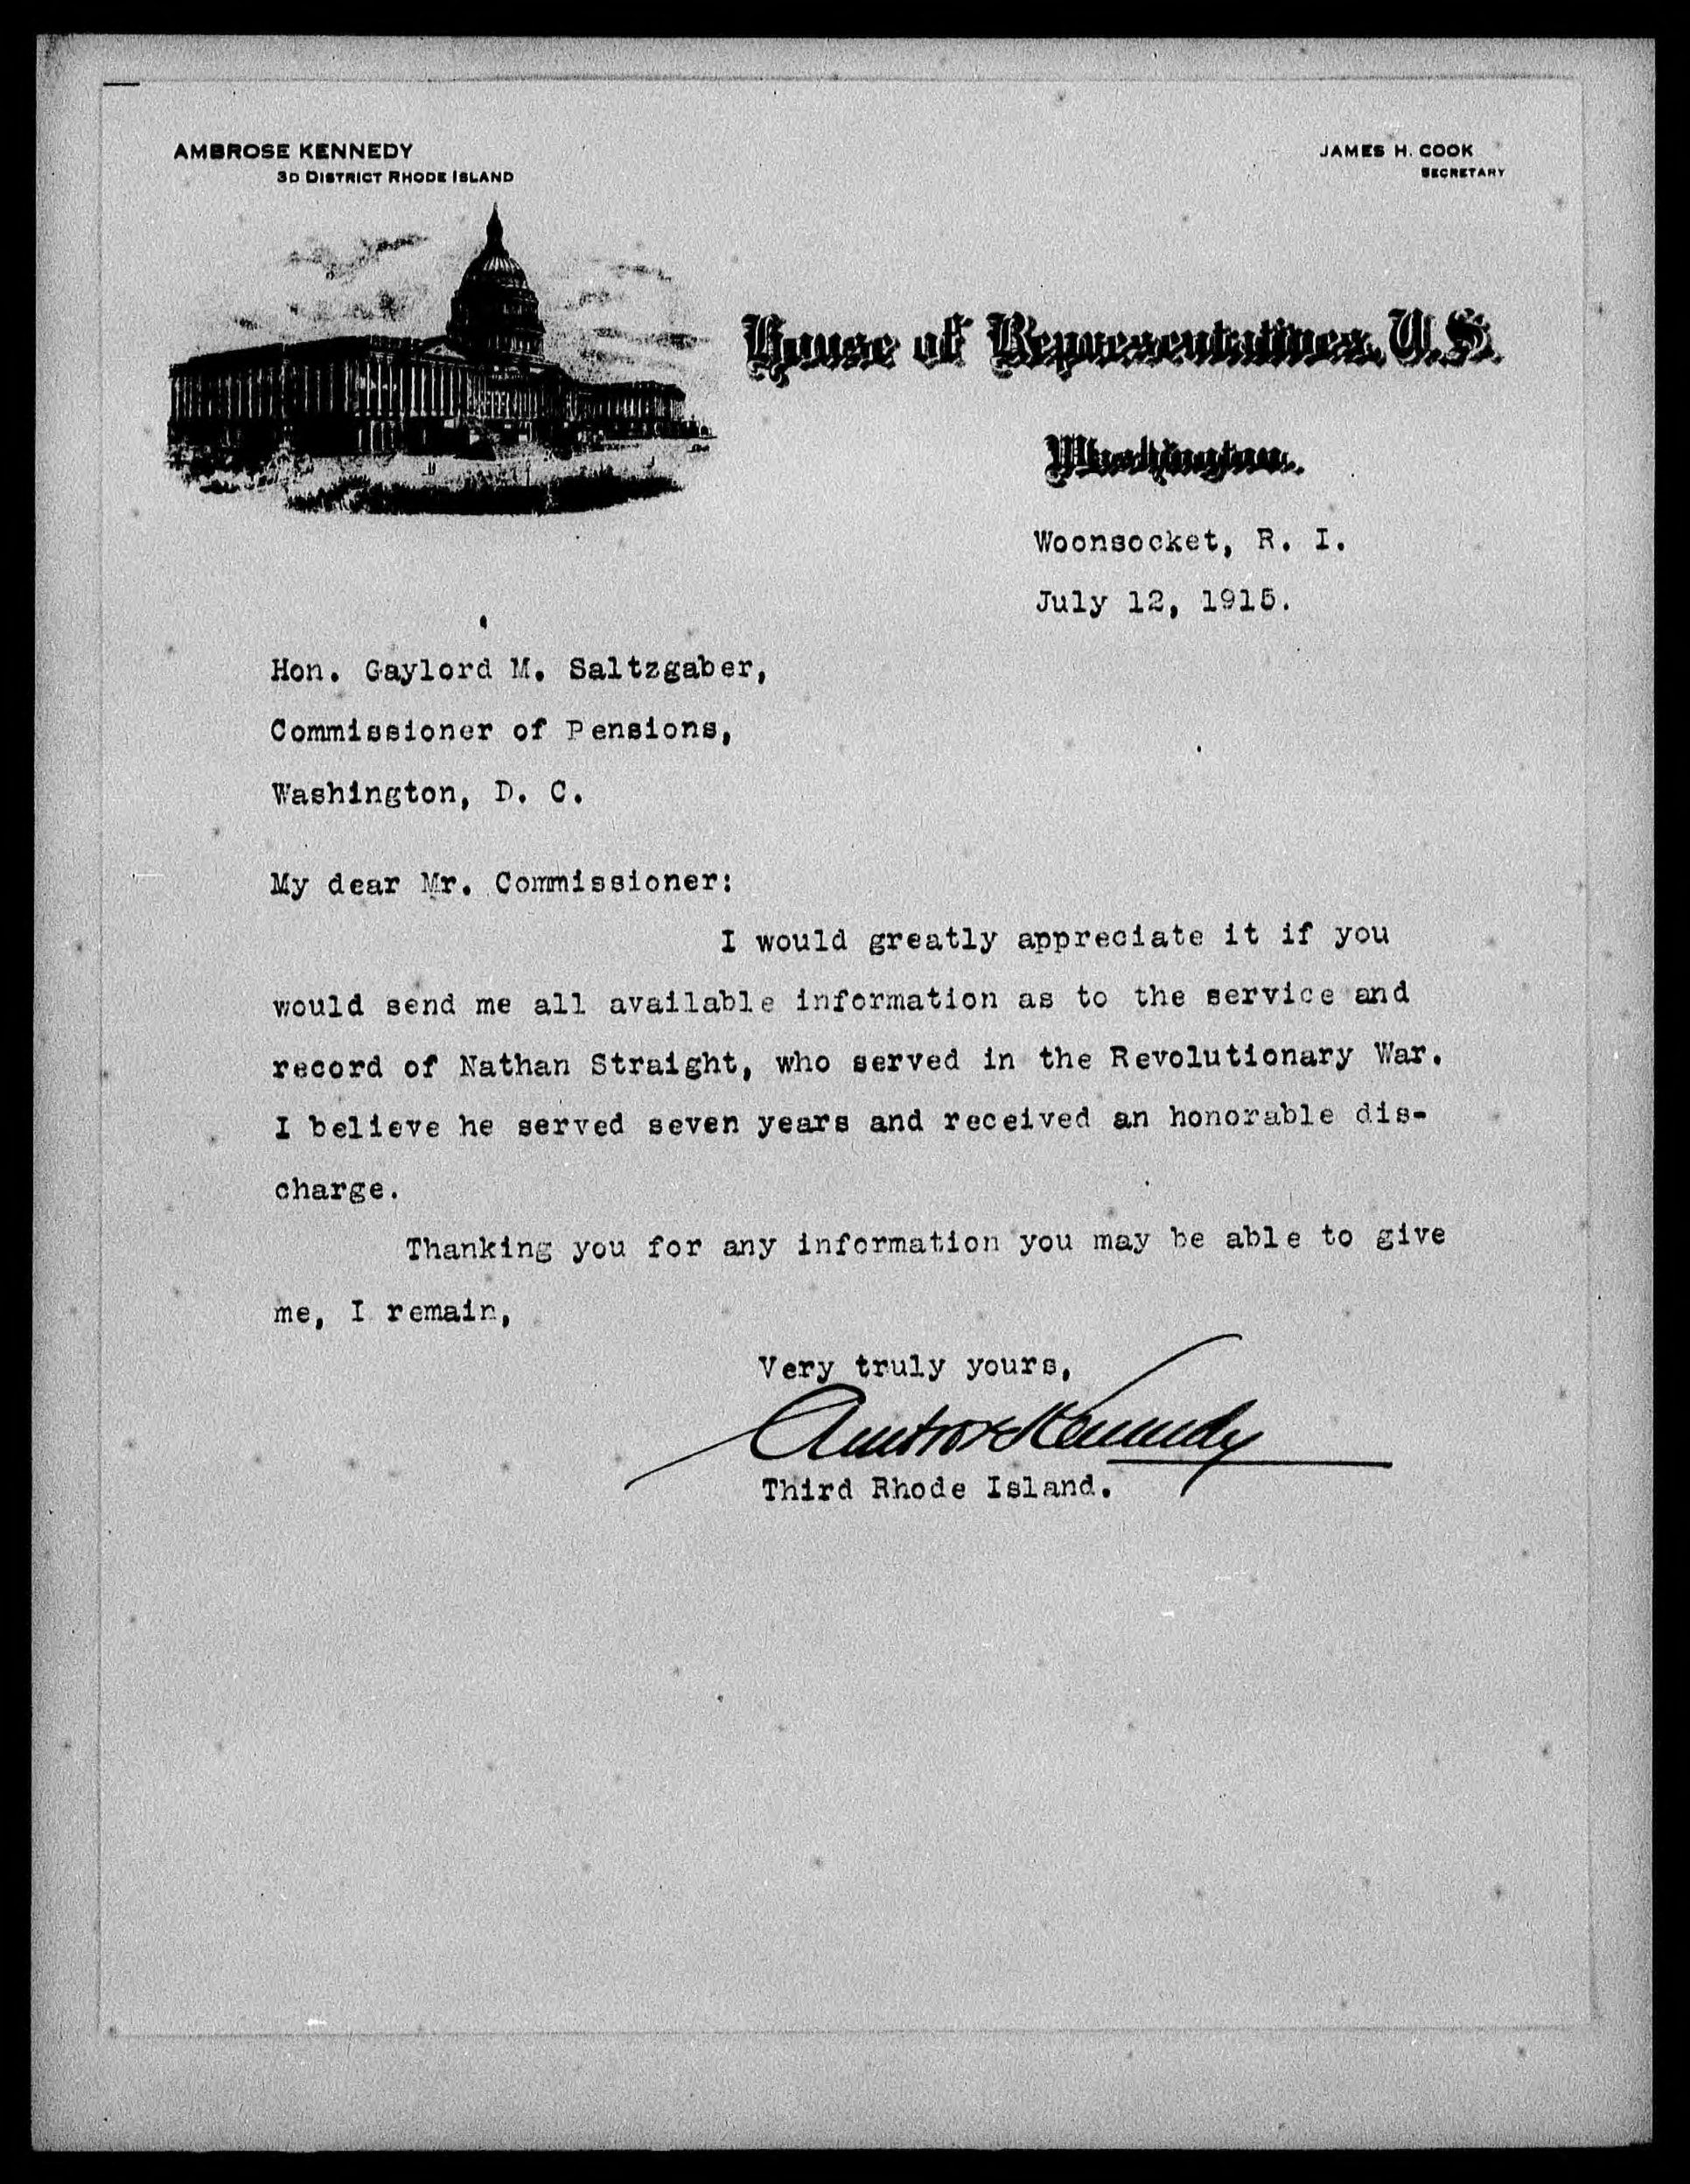Ambrose Kennedy
3D District Rhode Island

James H. Cook
Secretary

House of Representatives U.S.
Washington

Woonsocket, R.I.
July 12, 1915.

Hon. Gaylord M. Saltzgaber,
Commissioner of Pensions,
Washington, D.C.

My dear Mr. Commissioner:

I would greatly appreciate it if you would send me all available information as to the service and record of Nathan Straight, who served in the Revolutionary War, I believe he served seven years and received an honorable discharge.

Thanking you for any information you may be able to give me, I remain,

Very truly yours,
Ambrose Kennedy
Third Rhode Island.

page: 20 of 27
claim: survivor's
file: S. 21,516, for Nathan Straight, Rhode Island